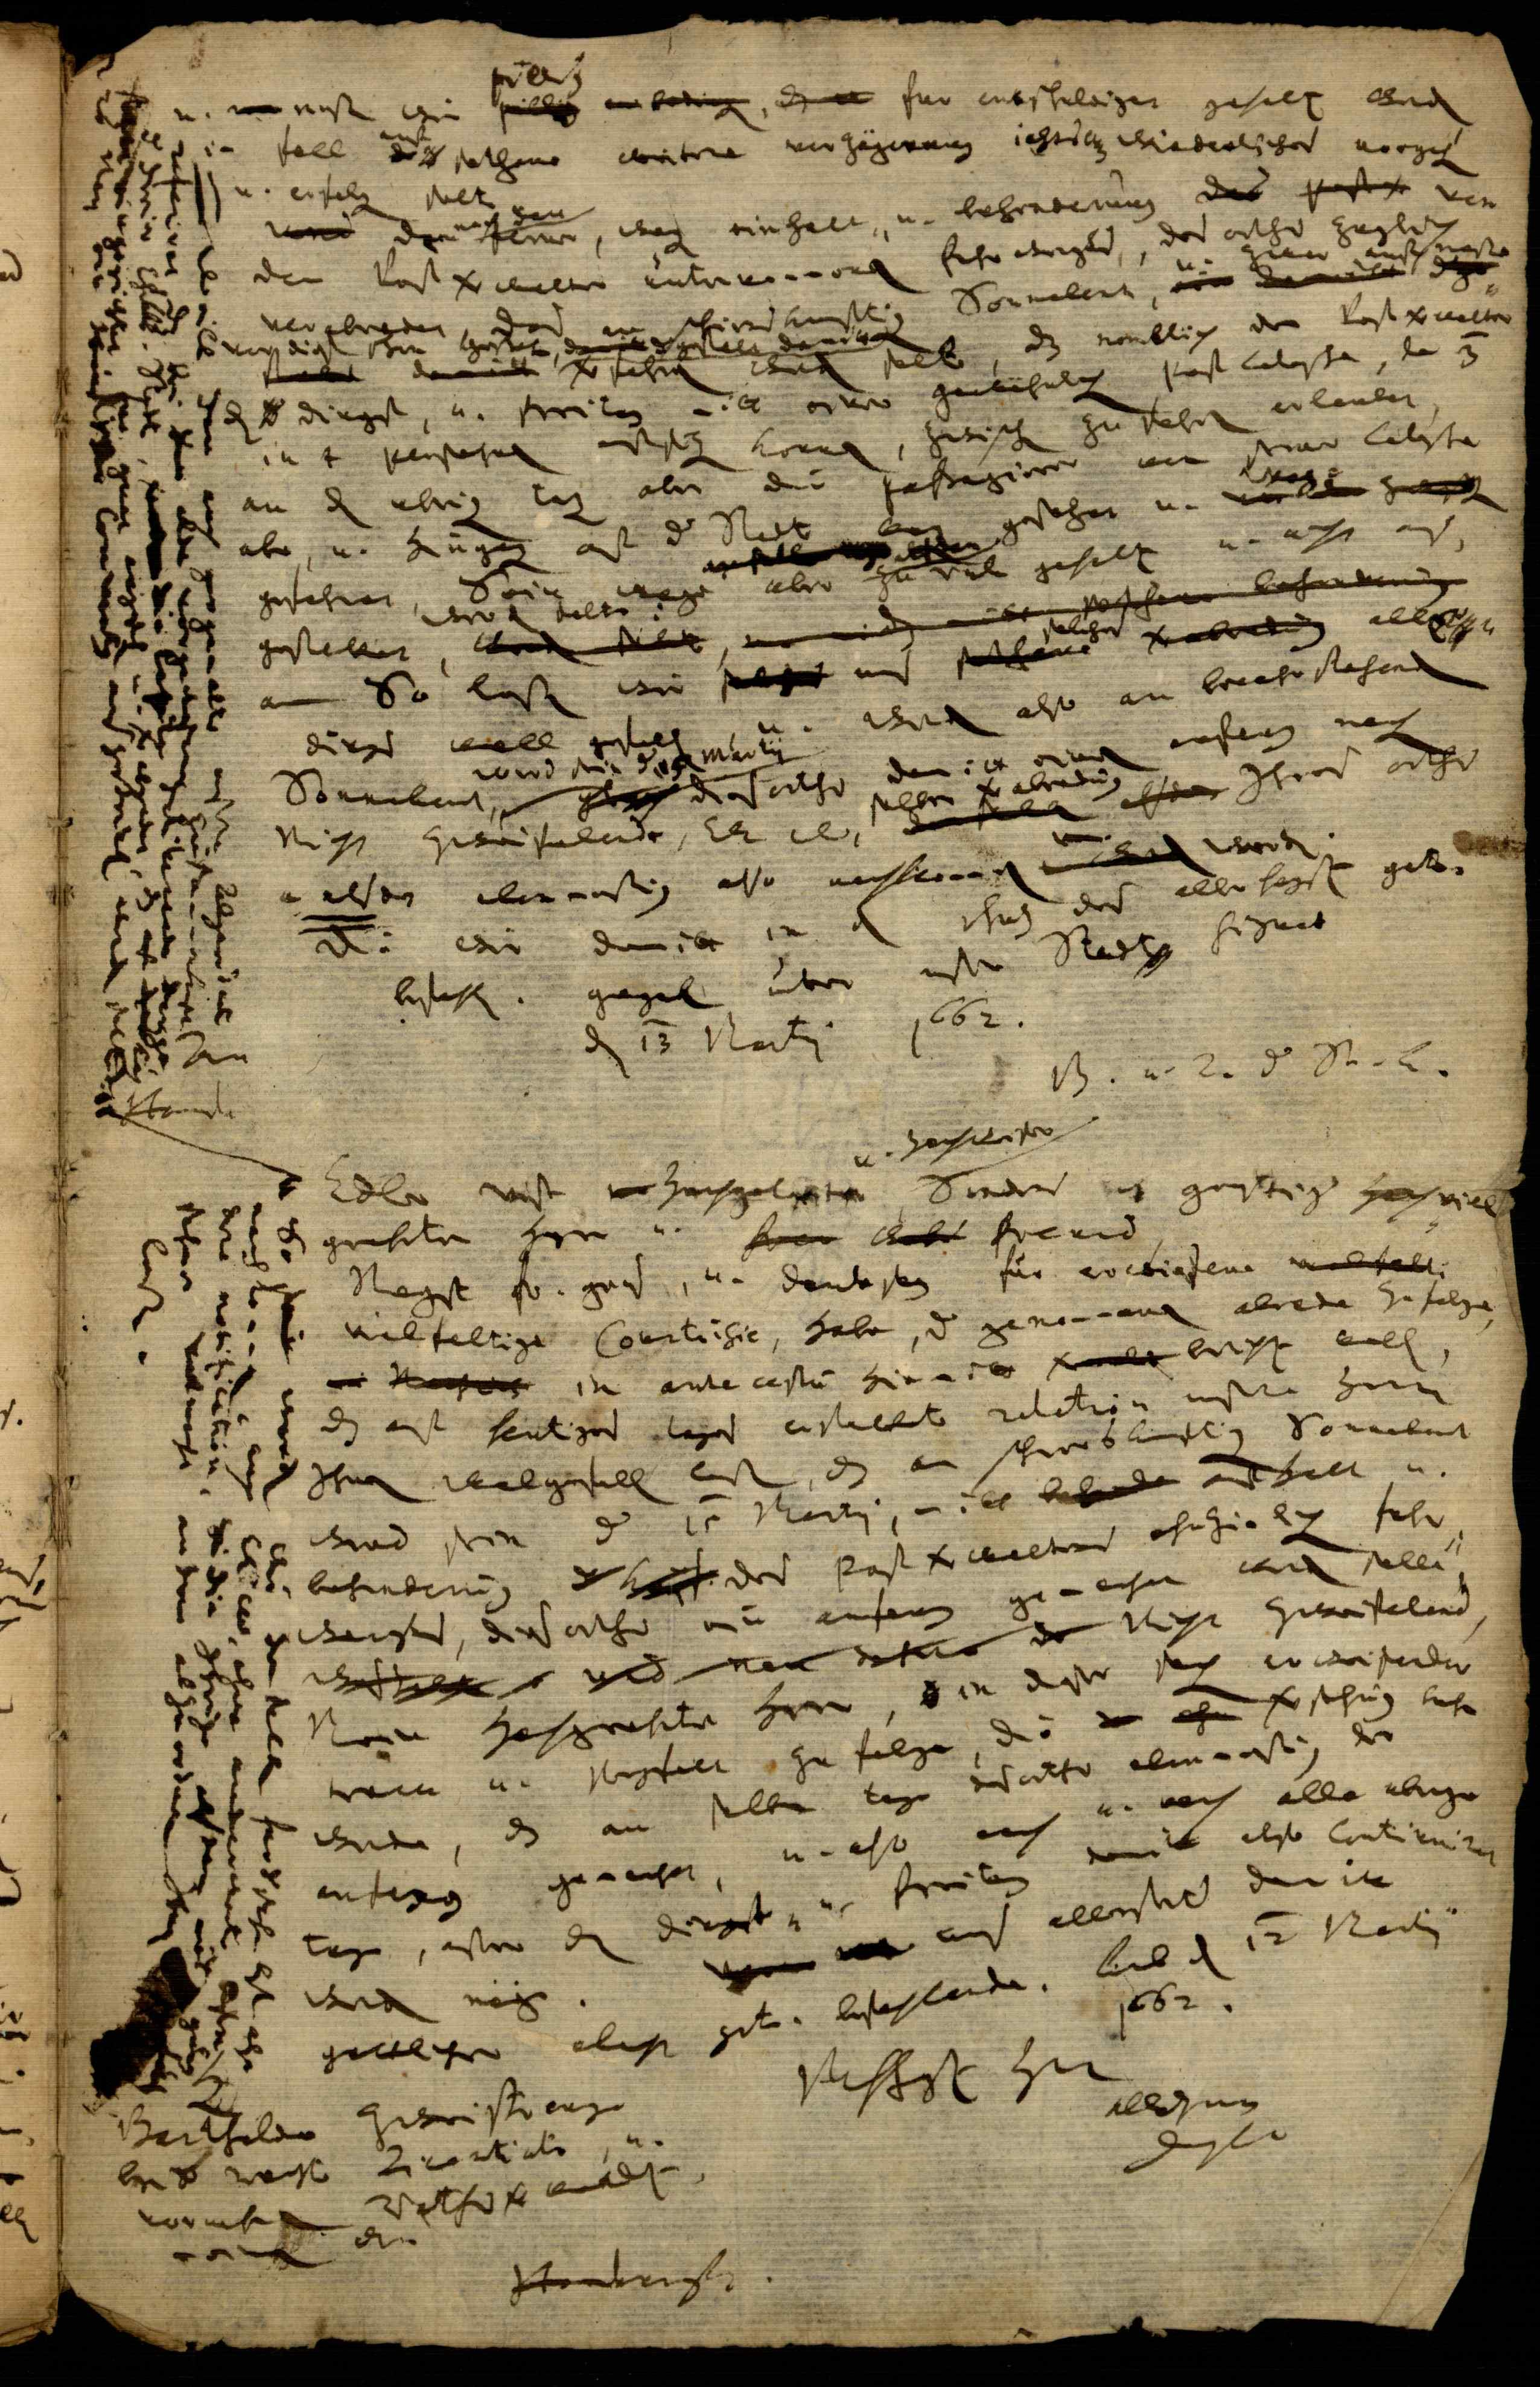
u. wir mußen wir pillich pillig entschuldigen, das fur entschuldiget gehalten werden
im fall auch de d sothane weitere verzögerung ichtsenen wiederliches uorgehen auch
u. erfolgen solte
vnd demnach dan ferner, wegen einhalt- u. behenderung des postver von
dem Postverwalter unternommenen fuhr wegks des orths zugleich
verabreden das an schiers kunftigen Sonnabend, u. zwar aufs neste
verdigt sein gescheh[en] der gestalt damitt
dennoch versehen werden solle, daß nemblich der Postverwalter
den d dingst, u. freitag mitt orths gewöhnlicher Post Calesche, den 3
in 7 versehen nichtens konnen zwischen zu stelen erlauben
an den ubrigen tagen ohn die paßagiere von seiner Calesche
wege
ab, u .zeugen auß der Nott was geschehen u. welcher gestalt
gesehen, Sein wege aber zu viel gehalten u. nicht aus
gestellet werden sollte, wodurch auch sothane beschehung
werden solte:
so laßen wir uns solches
solches
dieses woll gefallen, u. werden also an bevohrstehendem
sonnabend des orths damitt werden anfang machen
werd sein der 9 Martij
Nicht zweifelnde, Erb w, selber verabredung Ihres orths
von
u als dan aber meßig also nachkommen werden
d:wir damitt in Got des allerhogsten getan
beschehen gegeben unter unser Stadt signet
den 13 Martij 1662
B. u. S. der S. L.
u.hochweise
Edler weise hochgelarte Sonders u. gunstige hoch viel
geehrter her u. ren thehs freund,
Negst fr. grus, u. dank des für erwiesene
vielfeltige Courtoisie, habe, der genommenen abrede zu folge,
Recessus in ante cessu hir von xailt lirpt wollen,
des mit heutighes tages erstellete relation unsere zum
Ihrem wolgefallen lassen, das an schierskunftigen Sonnabend
wird sein der 15 Martij, mitt außhalt u.
behinderung der hiesi des Postverwalters ohnzimlichen fahr¬
wegks, des orths wie anfang gewesen werden solle
deswegen wider neu denen der nicht zweifelnd
Neu Hochgeehrter herr, d in dieser sachen erweisender
treue u. sorgfalt zu folge, die der ohn versehung
werde, daß am selben tage des orts ohnmeste, der
anfang gewesen, u. also nach u. nach alle ubrige
tage, ahne den dengst- u. freitag damit also continiuret
werden möge. wegen ww uns allenseits dan in
gestellten dip sit betreffende und den 12 Roden
1662
Berthold Zweistrang
Ern werter Licentiati u.
vormals Rathsverwandt-
mann der
Hamburg
von
Hamb.
weill dan auch gemelter unser abgeordente
referiret daß bei der alda vorgedachten Zusammenkunft
der drei Ehrbl.Stedt die Capita articuln dan ja
eingerichtet fur guet angesehen u. verabredet daß an
(de)m 26 May bei kunftigen Convendt aus geschrieben werden sollen
So werden wir denselben furd(er) dahin laßen ahn
nachkommen auch? Ehb.ww. ohre anderweite ahn
dere notification,wie die jenige alsdan mit gehen
dahin viel mehr an dem ab zu orden Ihre (verdi)gen
laßen.
